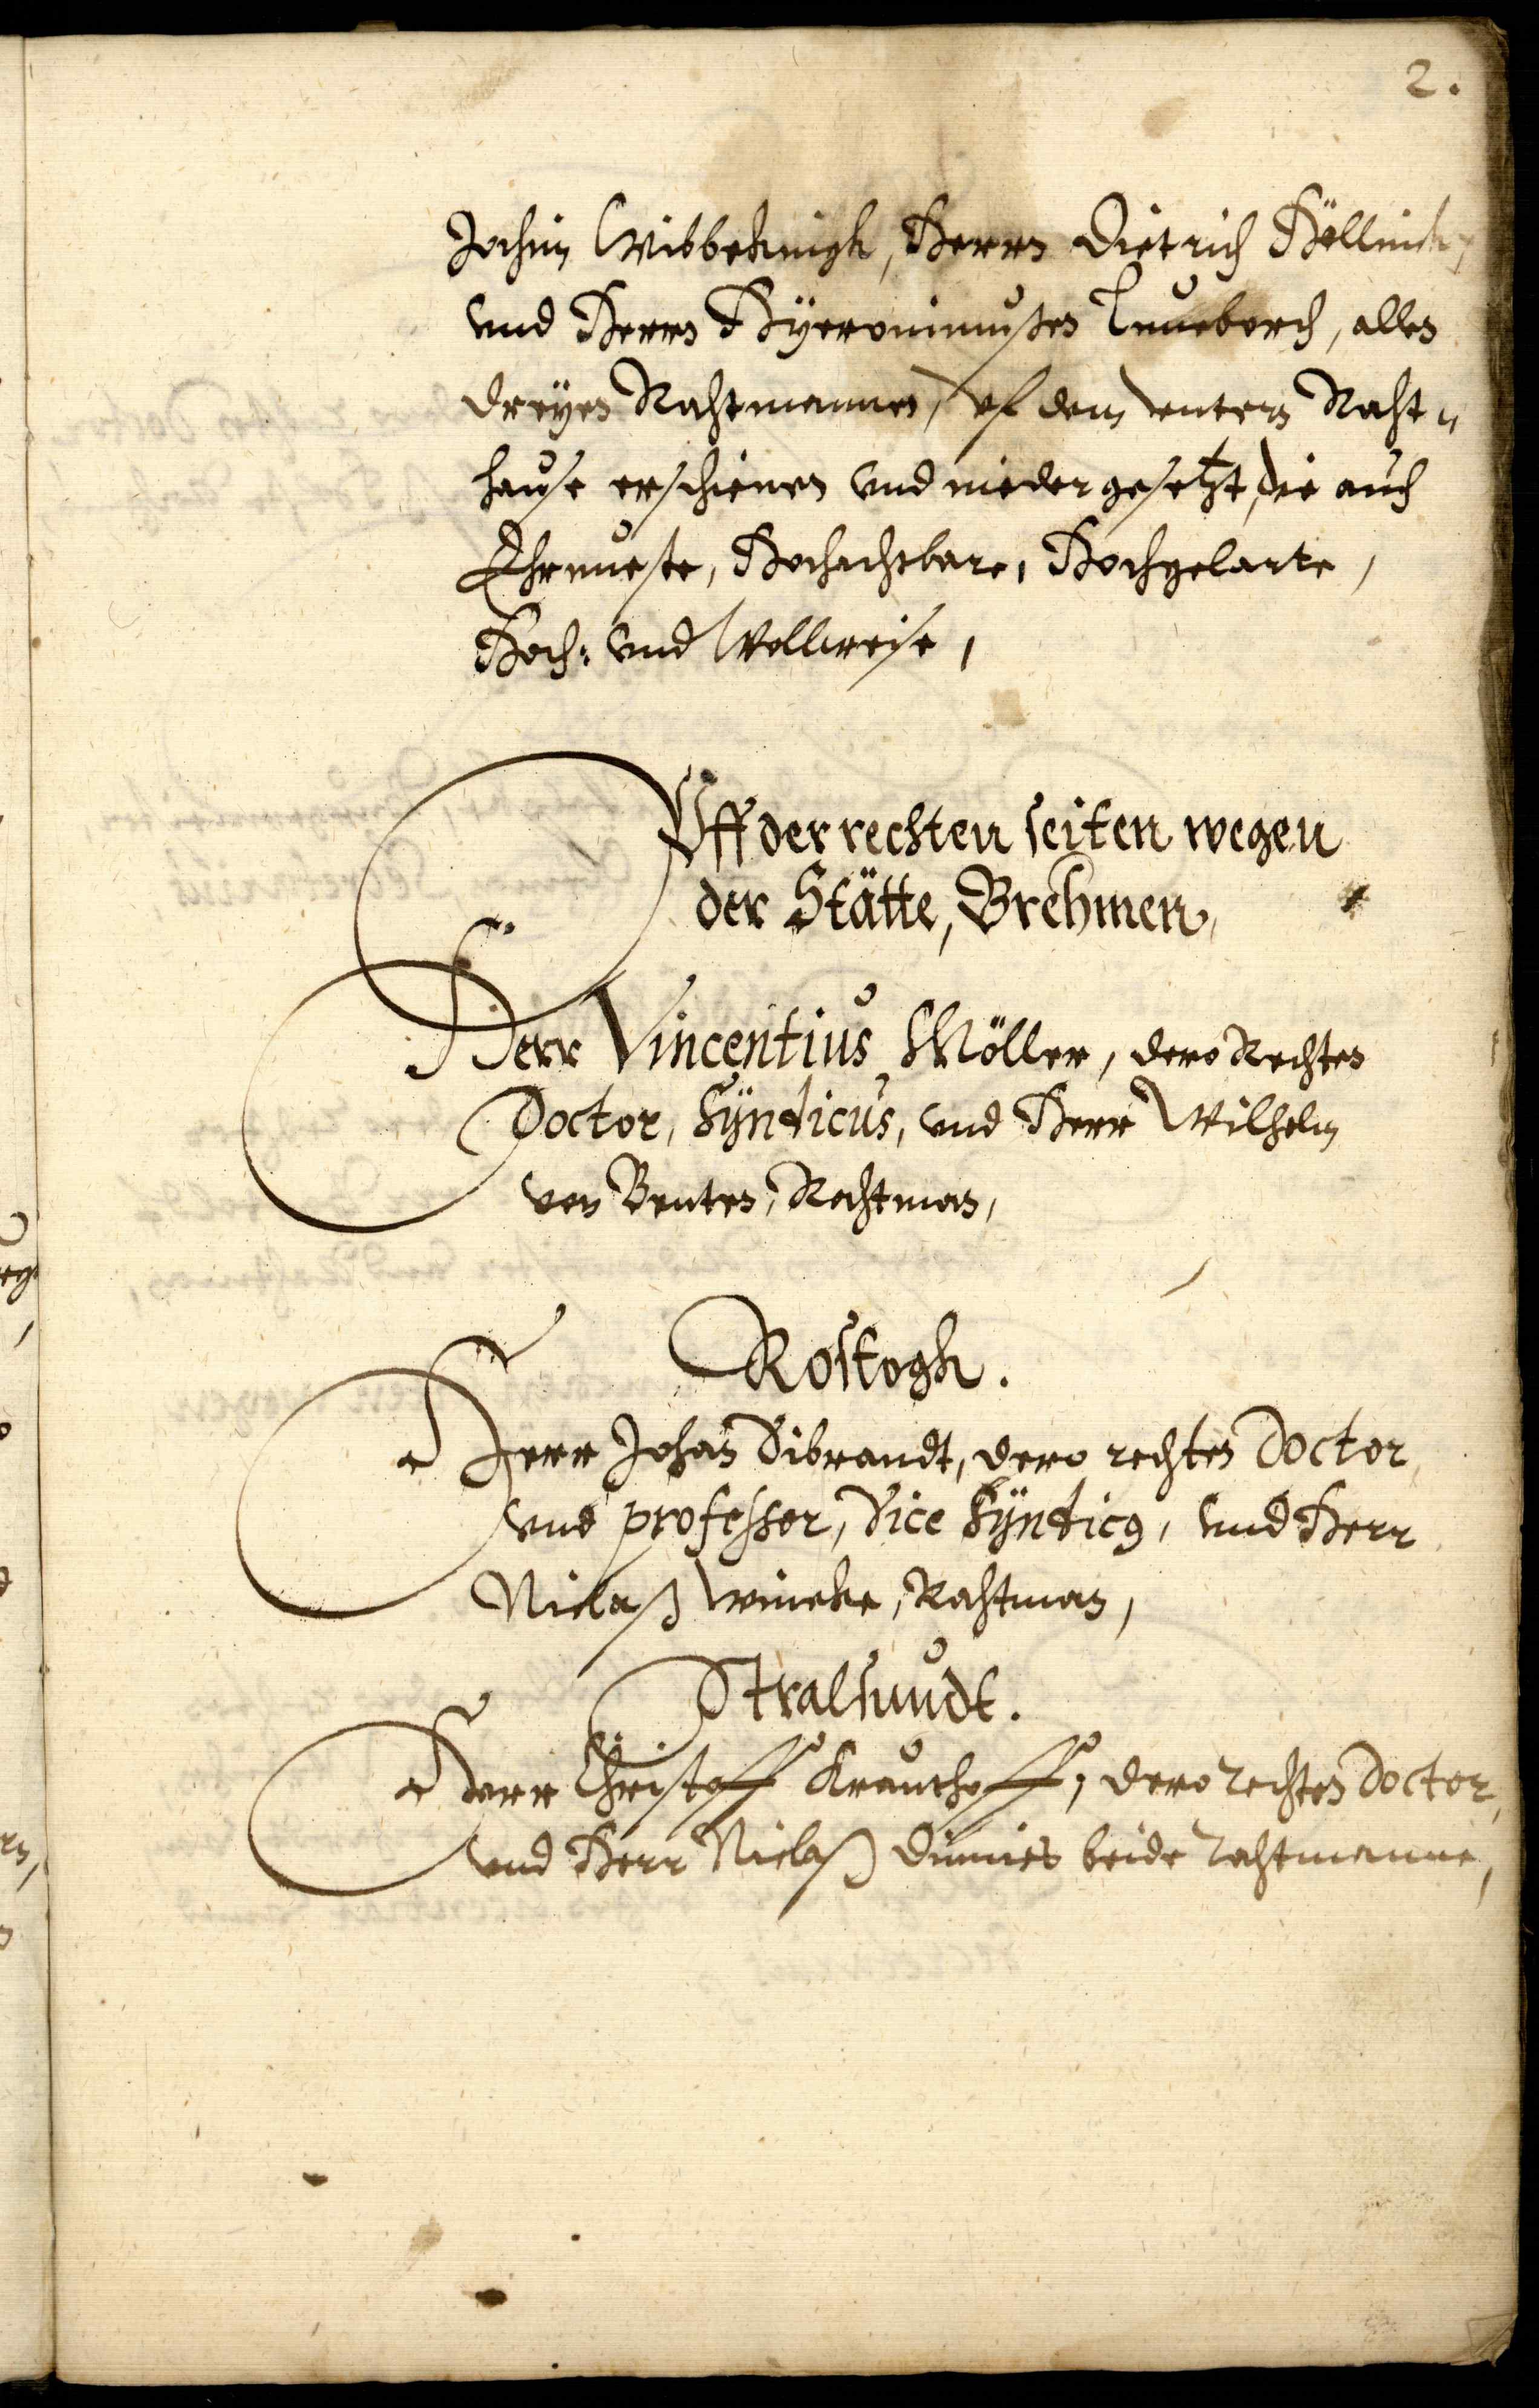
2.
Jochim Wibbekingk, Herrn Dietrich Hällinck,
vnd Herrn Hijeronimußen Luneborch, allen
dreijen Rahtmannen, vf dem vntern Raht¬
hause erschienen vnd nieder gesetzt, die auch
Ehrnueste, Hochachtbare, Hochgelarte,
Hoch: vnd Wollweise,
Vff der rechten seiten wegen
der Stätte, Brehmen,
Herr Vincentius Möller, dero Rechten
Doctor, Sijndicus, vnd Herr Wilhelm
von Benten, Rahtman,
Rostogk.
Herr Johan Sibrandt, dero rechten Doctor
vnd professor, Vice Sijndicus, vnd Herr
Niclaß Wineke, Rahtman,
Stralsundt.
Herr Christoff Krauthoff, dero rechten Doctor,
vnd Herr Niclaß Dinnies beide Rahtmanne,
